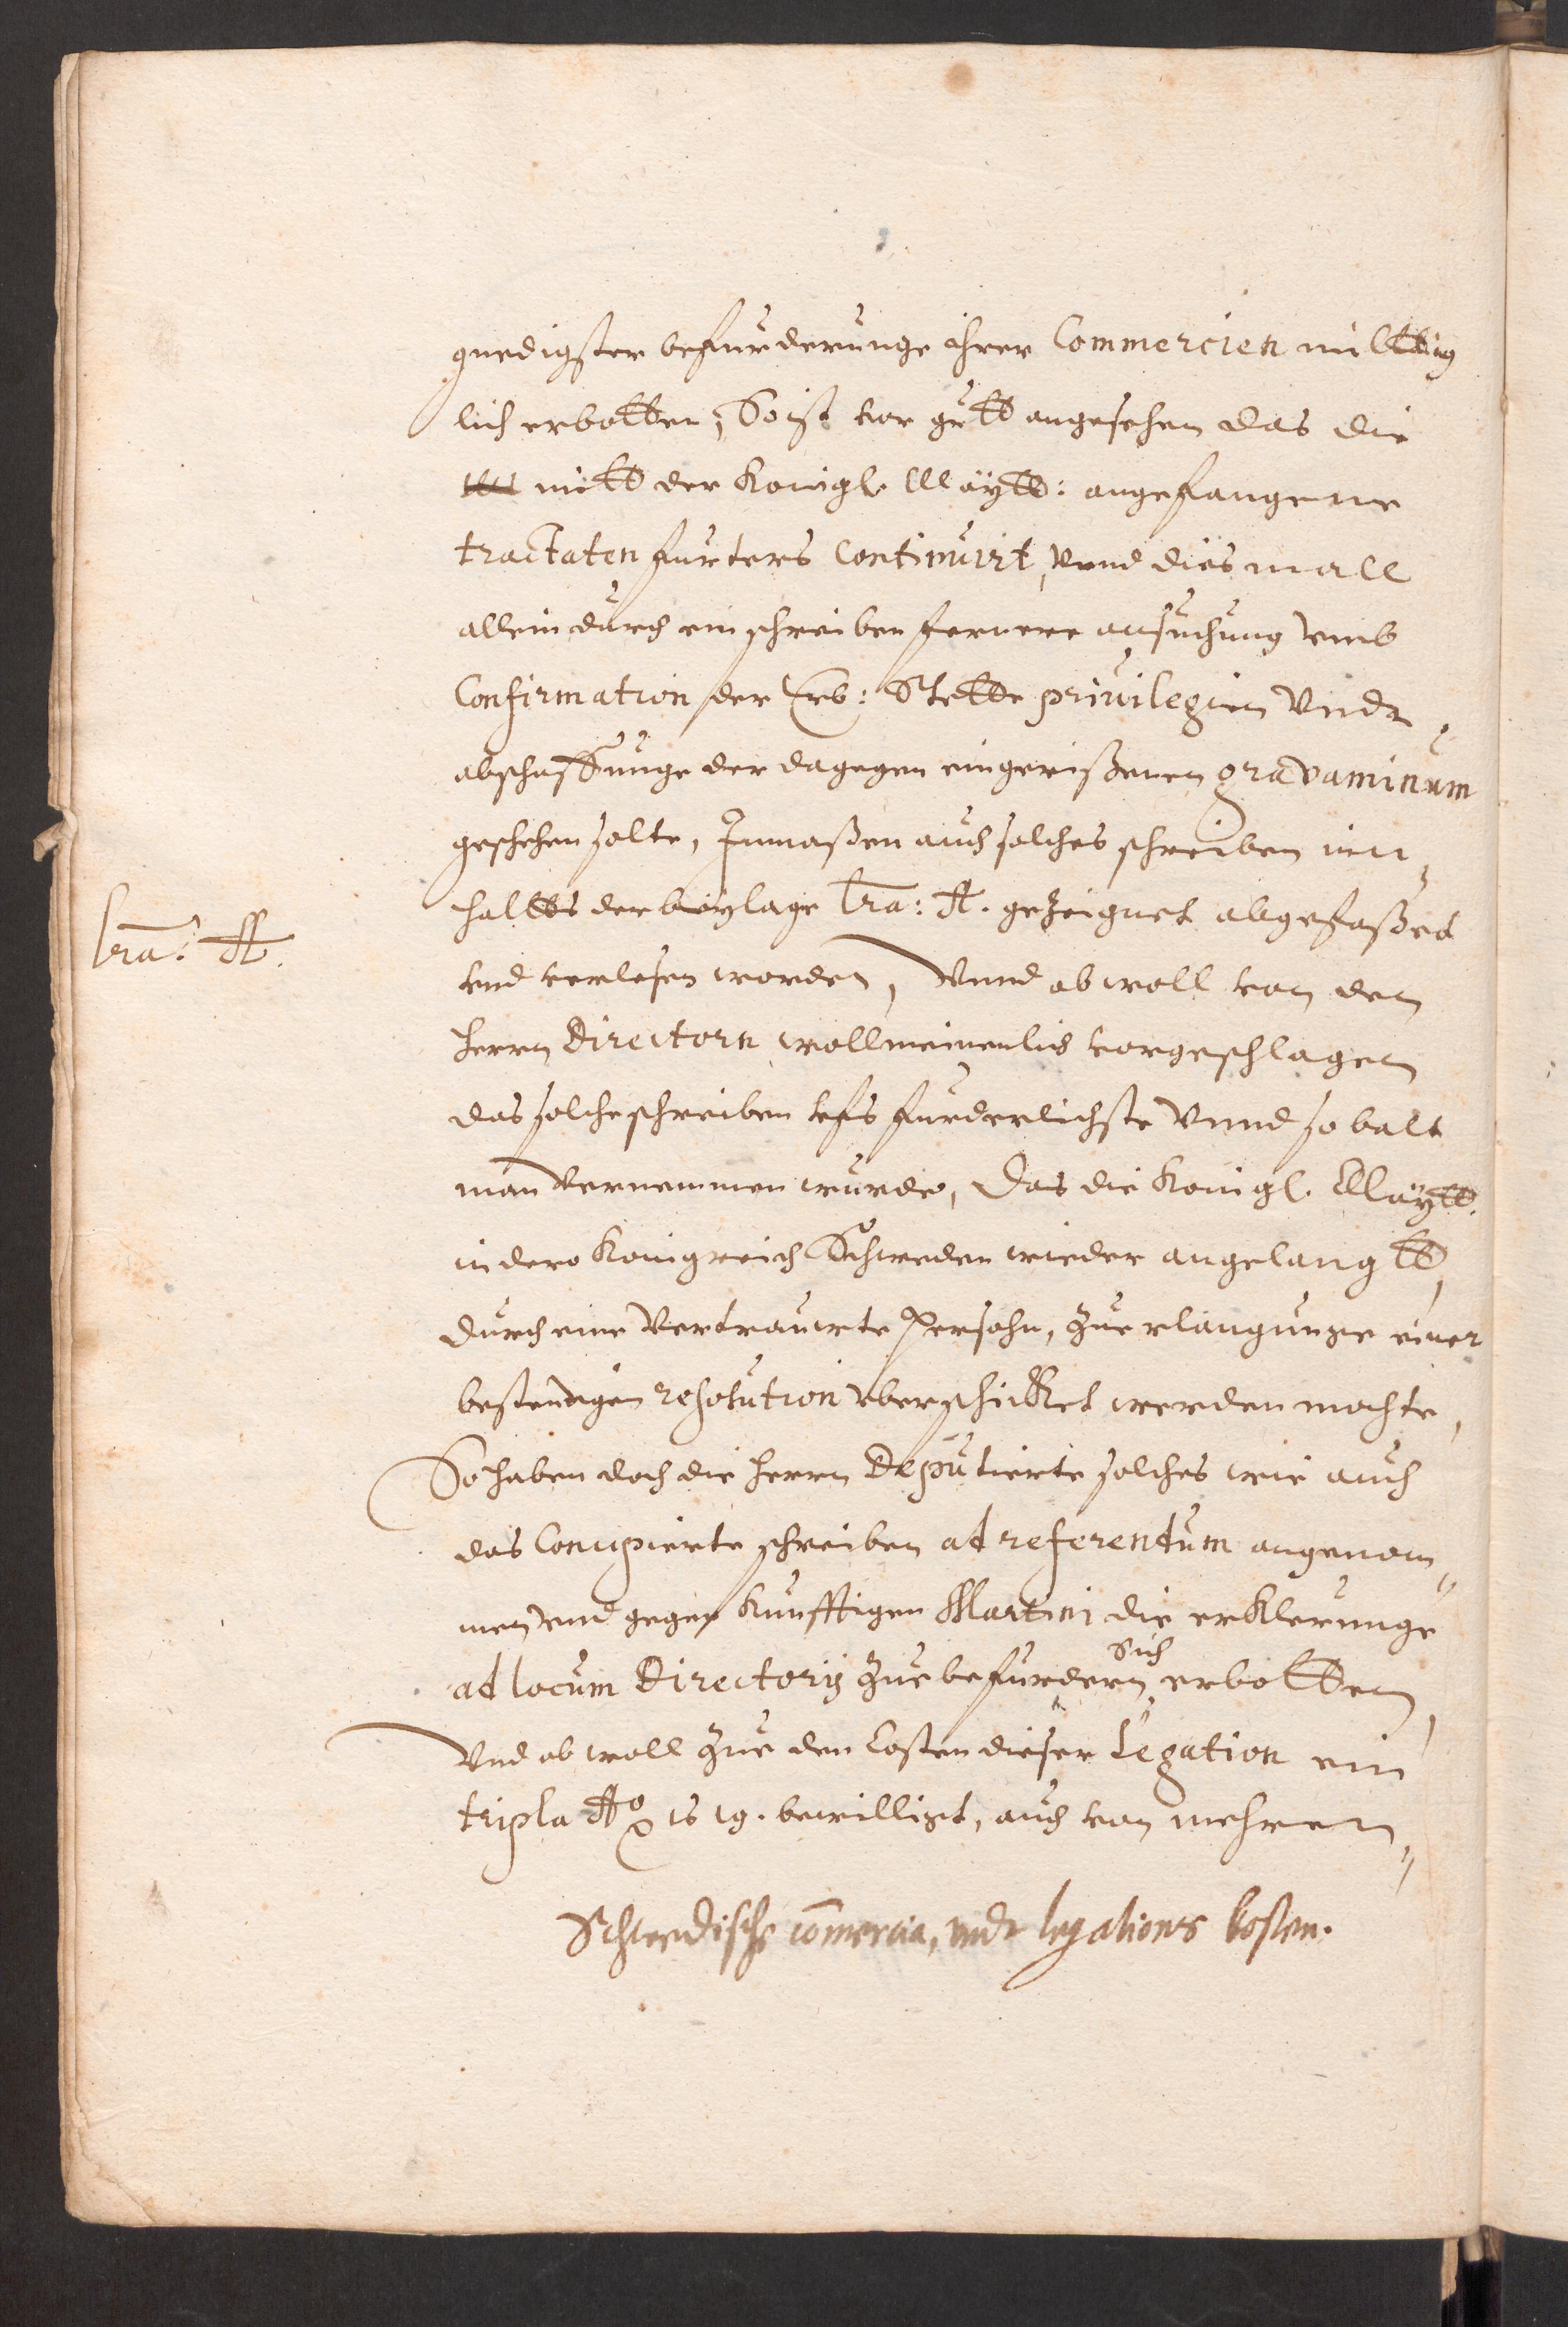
gnedigster befurderunge ohrer Commercien milttig
lich erbotten, So ist vor gutt angesehen das die
lltt mitt der konigl. Maijtt: angefangene
tractaten furters continuirt, vnnd dies mall
allein durch ein schreiben fernere ansuchung vmb
Confirmation der Erb: Stette priuilegien vndt
abschaffunge der dagegen eingerißenen gravaminum
geschehen solte, Jnmaßen auch solches schreiben ein¬
haltts der beylage littera: A. gezeignet abgefaßet
vnd verlesen worden, Vnnd obwoll von den
herrn Directorn wollmeinenlich vorgeschlagen
das solche schreiben vfs furderlichste vnnd so balt
man Vernommen wurde, das die konigl. Maijtt
in dero konigreich Schweden wieder angelangtt
durch eine vertrauwte Persohn, zue erlangunge einer
bestendigen resolution vberschicket werden mochte,
So haben doch die herrn Deputierte solches wie auch
das Conugierte schreiben ad referendum angenom¬
men vnd gegen kunfftigen Martini die erklerunge
ad locum Directorij zue befurdern Sich erbotten,
Vnd ob woll zue den Costen dieser Legation ein
tripla Ao p 1619. bewilligt, auch von mehren¬
Schwedische commercia, vnde legationes kosten.
littera: A.
